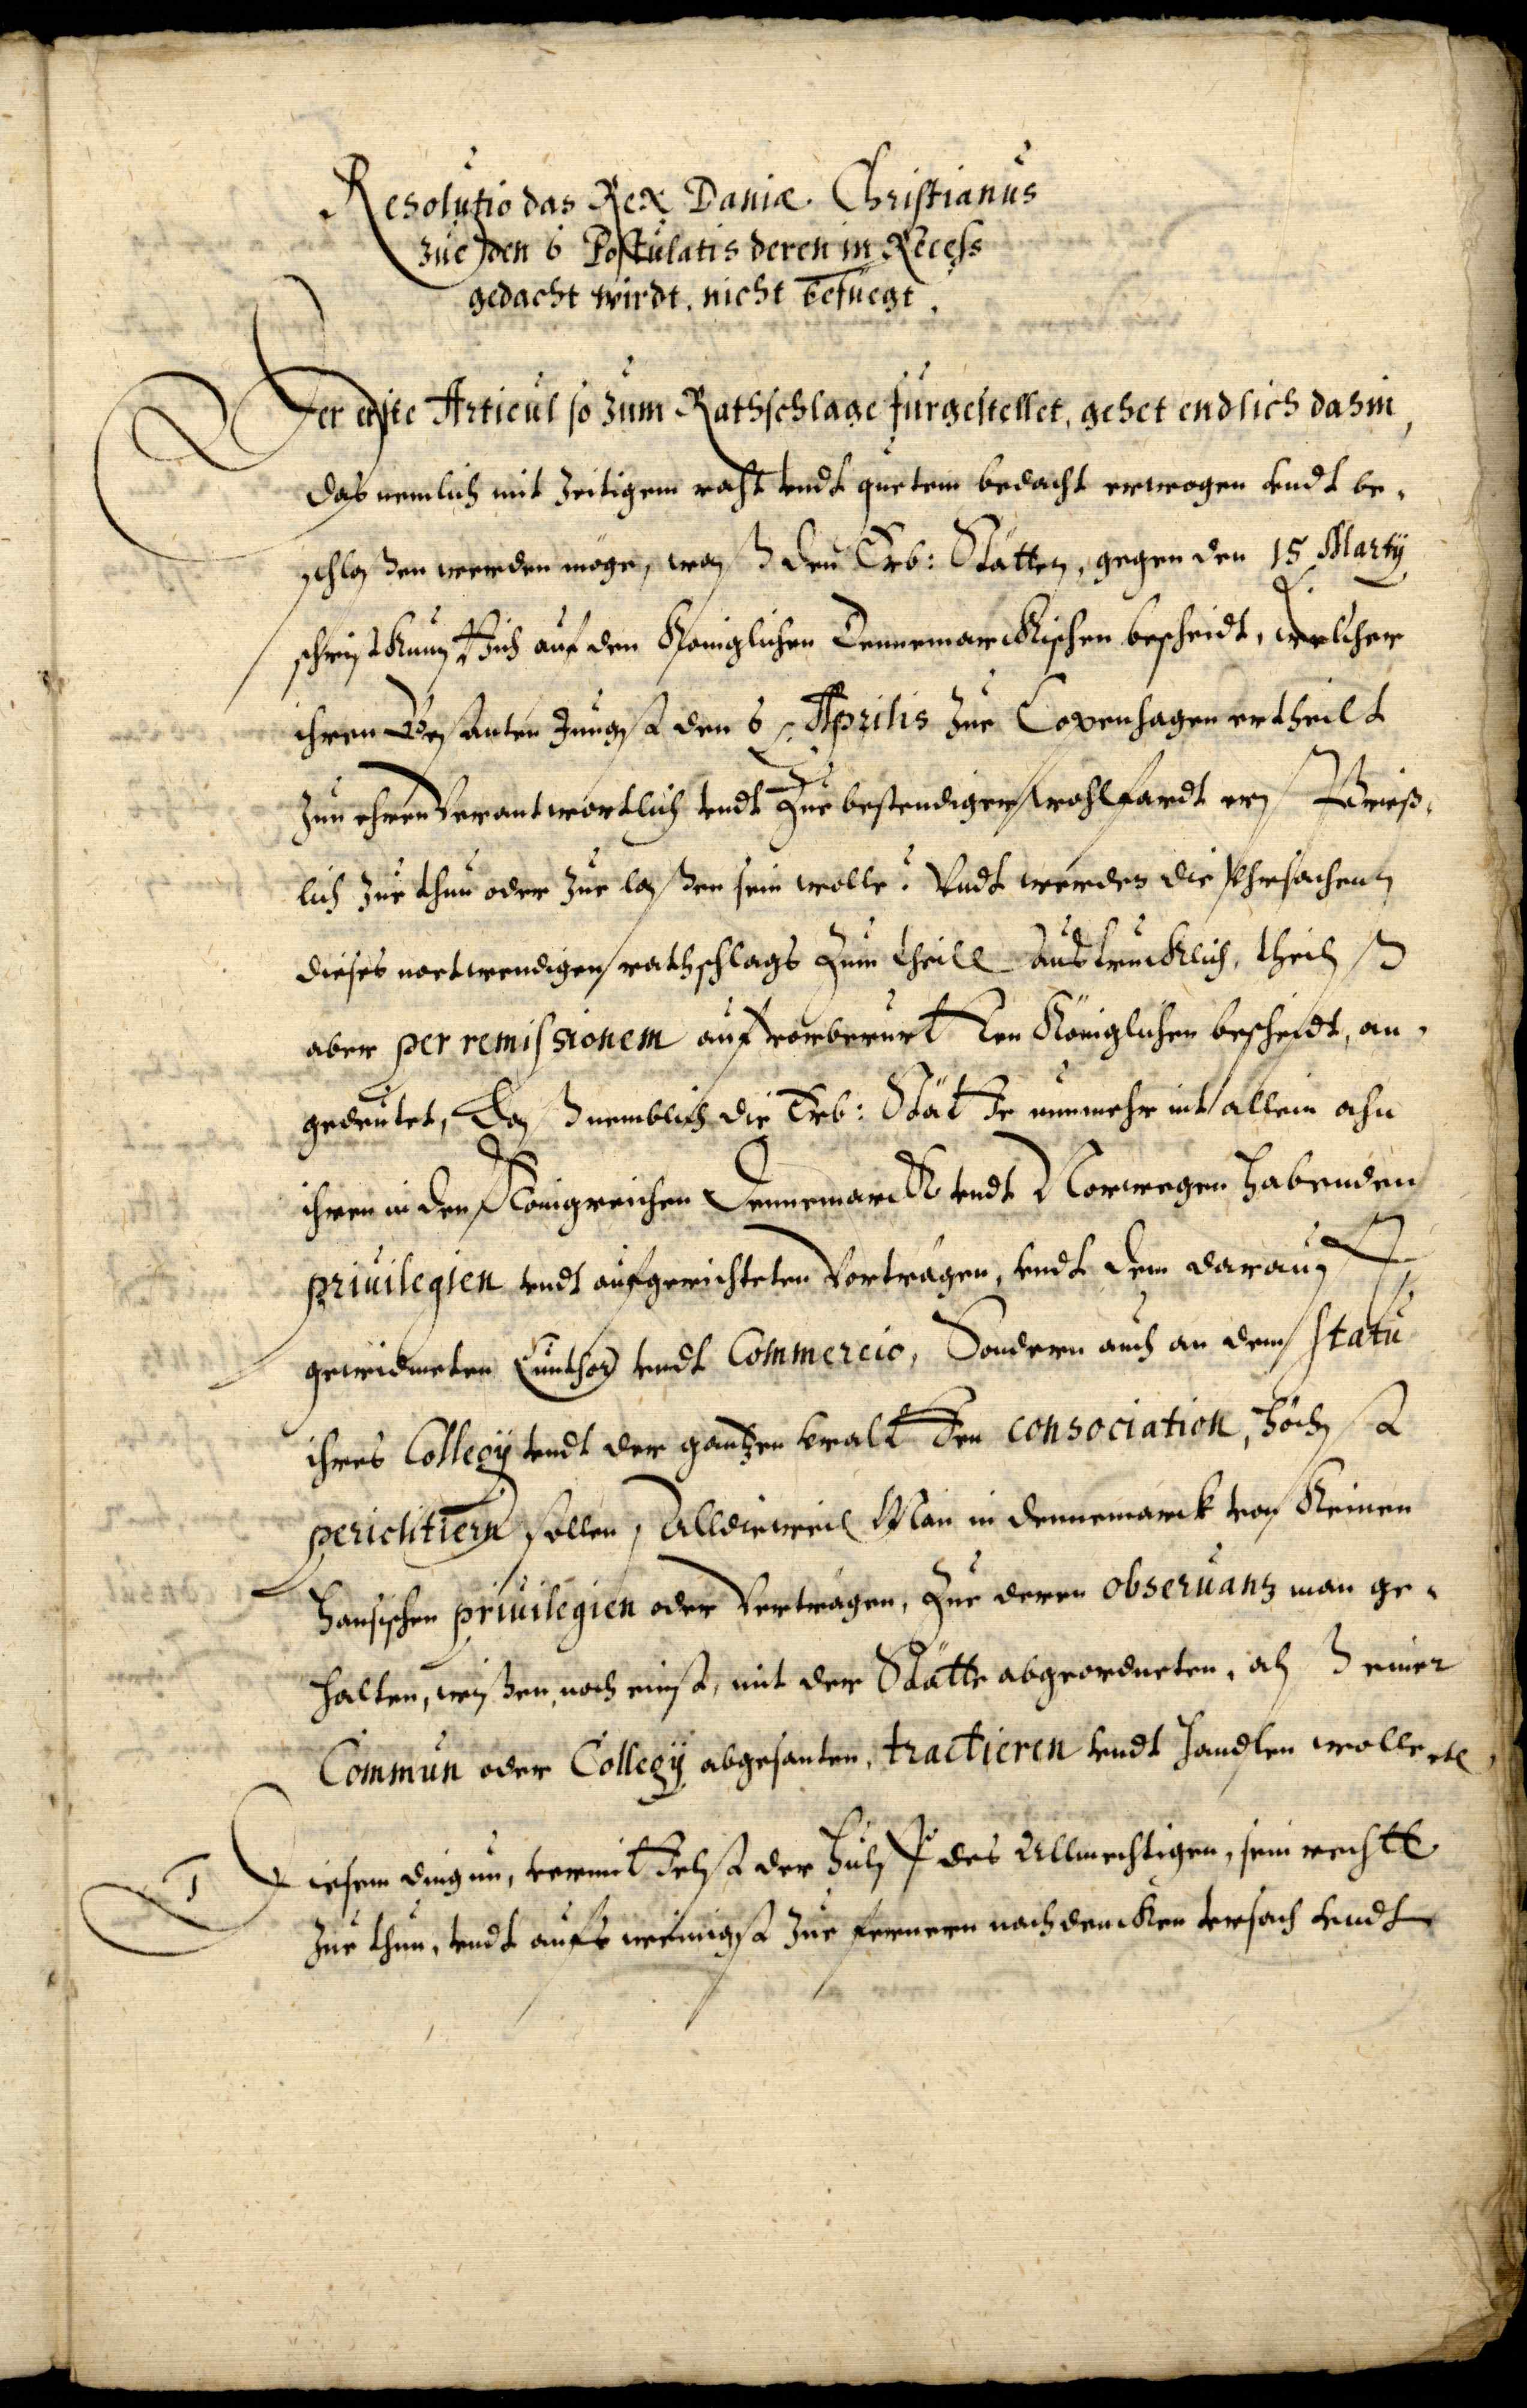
Resolutio das Rex Daniae Christianus
zue den 6 Postulatis deren in Recess
gedacht wirdt, nicht befüegt,
Der erste Articul so zum Rathschlage furgestellet, gehet endich dahin,
das nemlich mit zeitigem raht vndt guetem bedacht erwogen vndt be¬
schloßen werden möge, waß den Erb: Stätten, gegen den 15 Martij
schristkunfttich auf den Koniglichen Dennemarckischen bescheidt, welcher
ihren Gesanten jungst den 6. Aprilis zue Copenhagen ertheilt
zue ehren Verantwortlich vndt zue bestendiger wohlfardt ersprieß¬
lich zue thun oder zue laßen sein wolle . Vndt werden die Vhrsachenn
dieses noetwendigen rathschlags zum theill ausdrucklich, theilß
aber per remissionem auf vorberurtten Königlichen bescheidt, an¬
gedeutet, daß nemblich die Erb: Stätte nunmehr nit allein ahn
ihren in den Konigreichen Dennemarck vndt Norwegen habenden
priuilegien vndt aufgerichteten Vorträgen, vndt dem darauff
gewidmeten Cunthor vndt Commercio, Sondern auch an dem Statu
ihres Collegij vndt der gantzen vraltten consociation, höchst
perichtiern sollen, Alldieweil Man in Dennemarck von Keinen
Hansischen priuilegien oder Verträgen, zue deren obseruantz man ge¬
halten, wißen, noch einst, mit der Stätte abgeordneten, alß einer
Commun oder Collegij abgesanten, tractieren vndt handlen wolle etc,
Diesem ding nu, vermittelst der hulff des Allmechtigen, sein rechtt
zue thun, vndt aufs weinigst zue fernern nachdencken vrsach vndt
1
